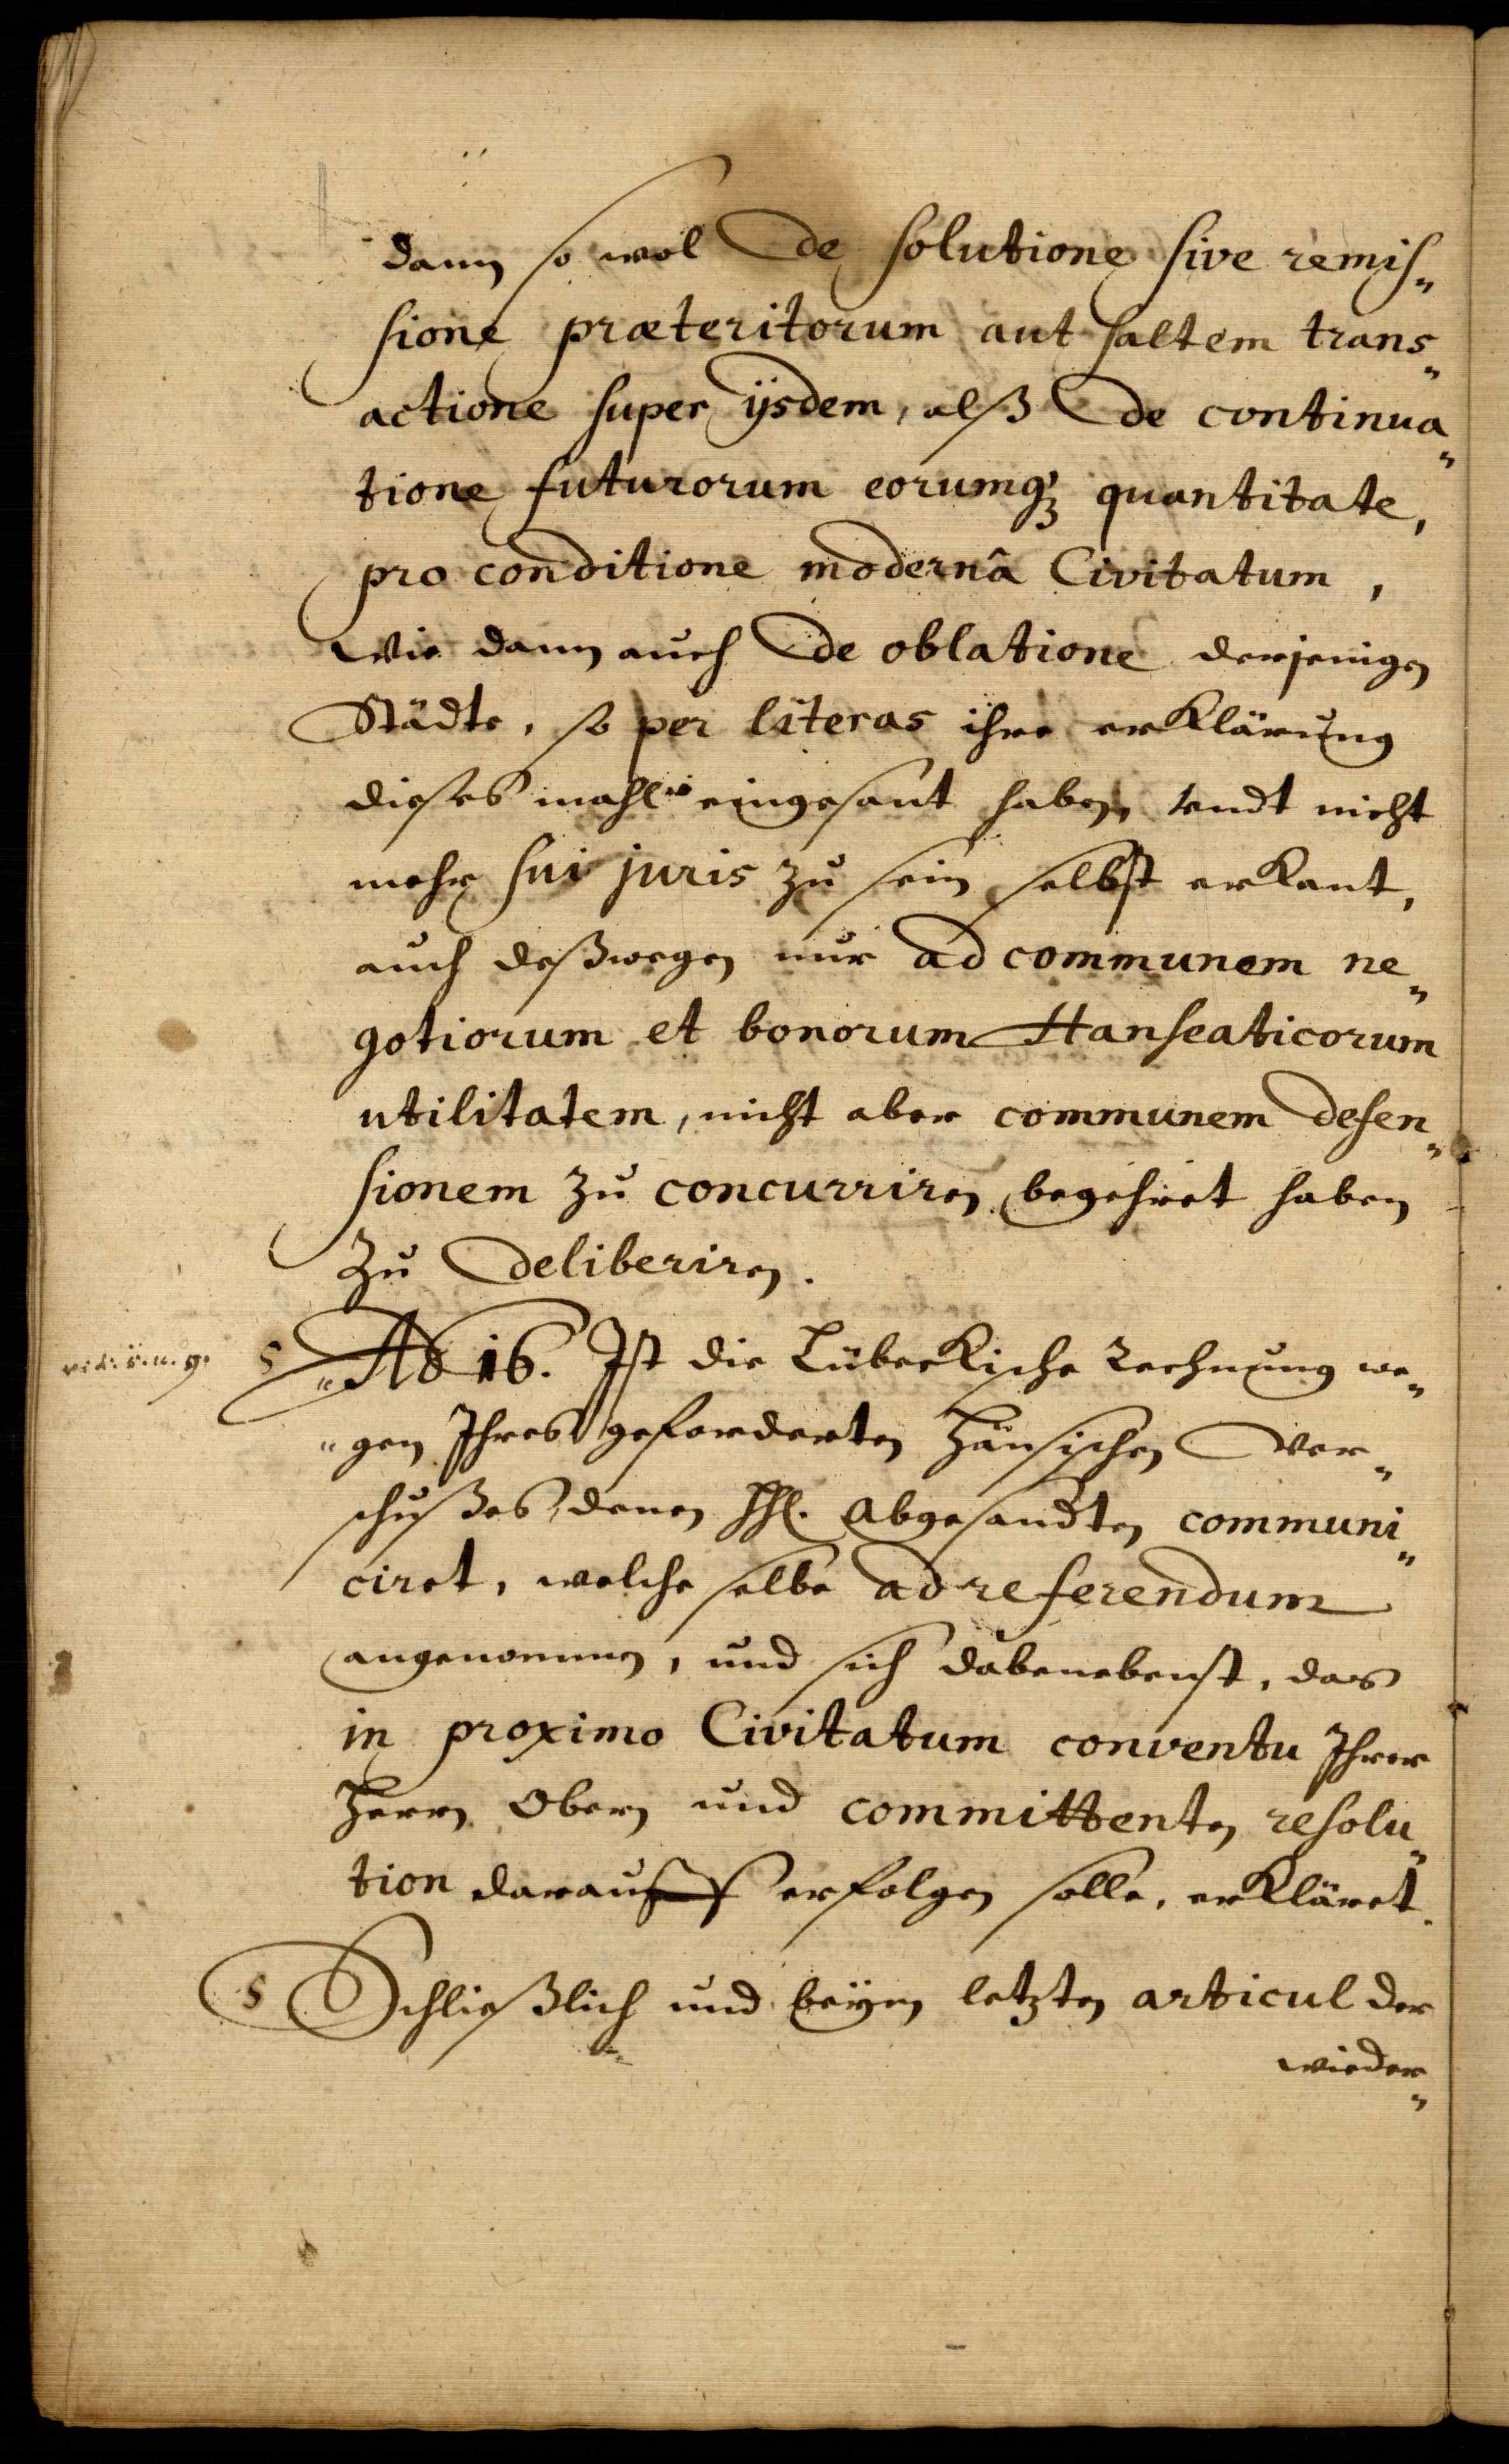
dann so wol de solutione sive remis¬
sione praeteritorum aut saltem trans¬
actione super ijsdem, alß de continua¬
tione futurorum eorumque quantitate,
pro conditione moderna Civitatum,
wie dann auch de oblatione derjenigen
Städte, so per literas ihre erklärung
dieses mahl eingesant haben vndt nicht
mehr sui juris zu sein selbst erkant,
auch deßwegen nur ad communem ne¬
gotiorum et bonorum Hanseaticorum
utilitatem, nicht aber communem defen¬
sionem zu concurriren begehret haben
zu deliberiren.
Ad 16. Ist die Lübeckische rechnung we¬
gen Ihres geforderten Hänsischen Ver¬
schußes, denen HHl. Abgesandten communi¬
ciret, welche selbe ad referendum
angenommen, und sich dabenebenst, das
in proximo Civitatum conventu Ihrer
Herrn Obern und committenten resolu¬
tion darauff erfolgen solle, erkläret.
vid: 6.16. 9.
Schließlich und beijm letzten articul der
wieder¬
